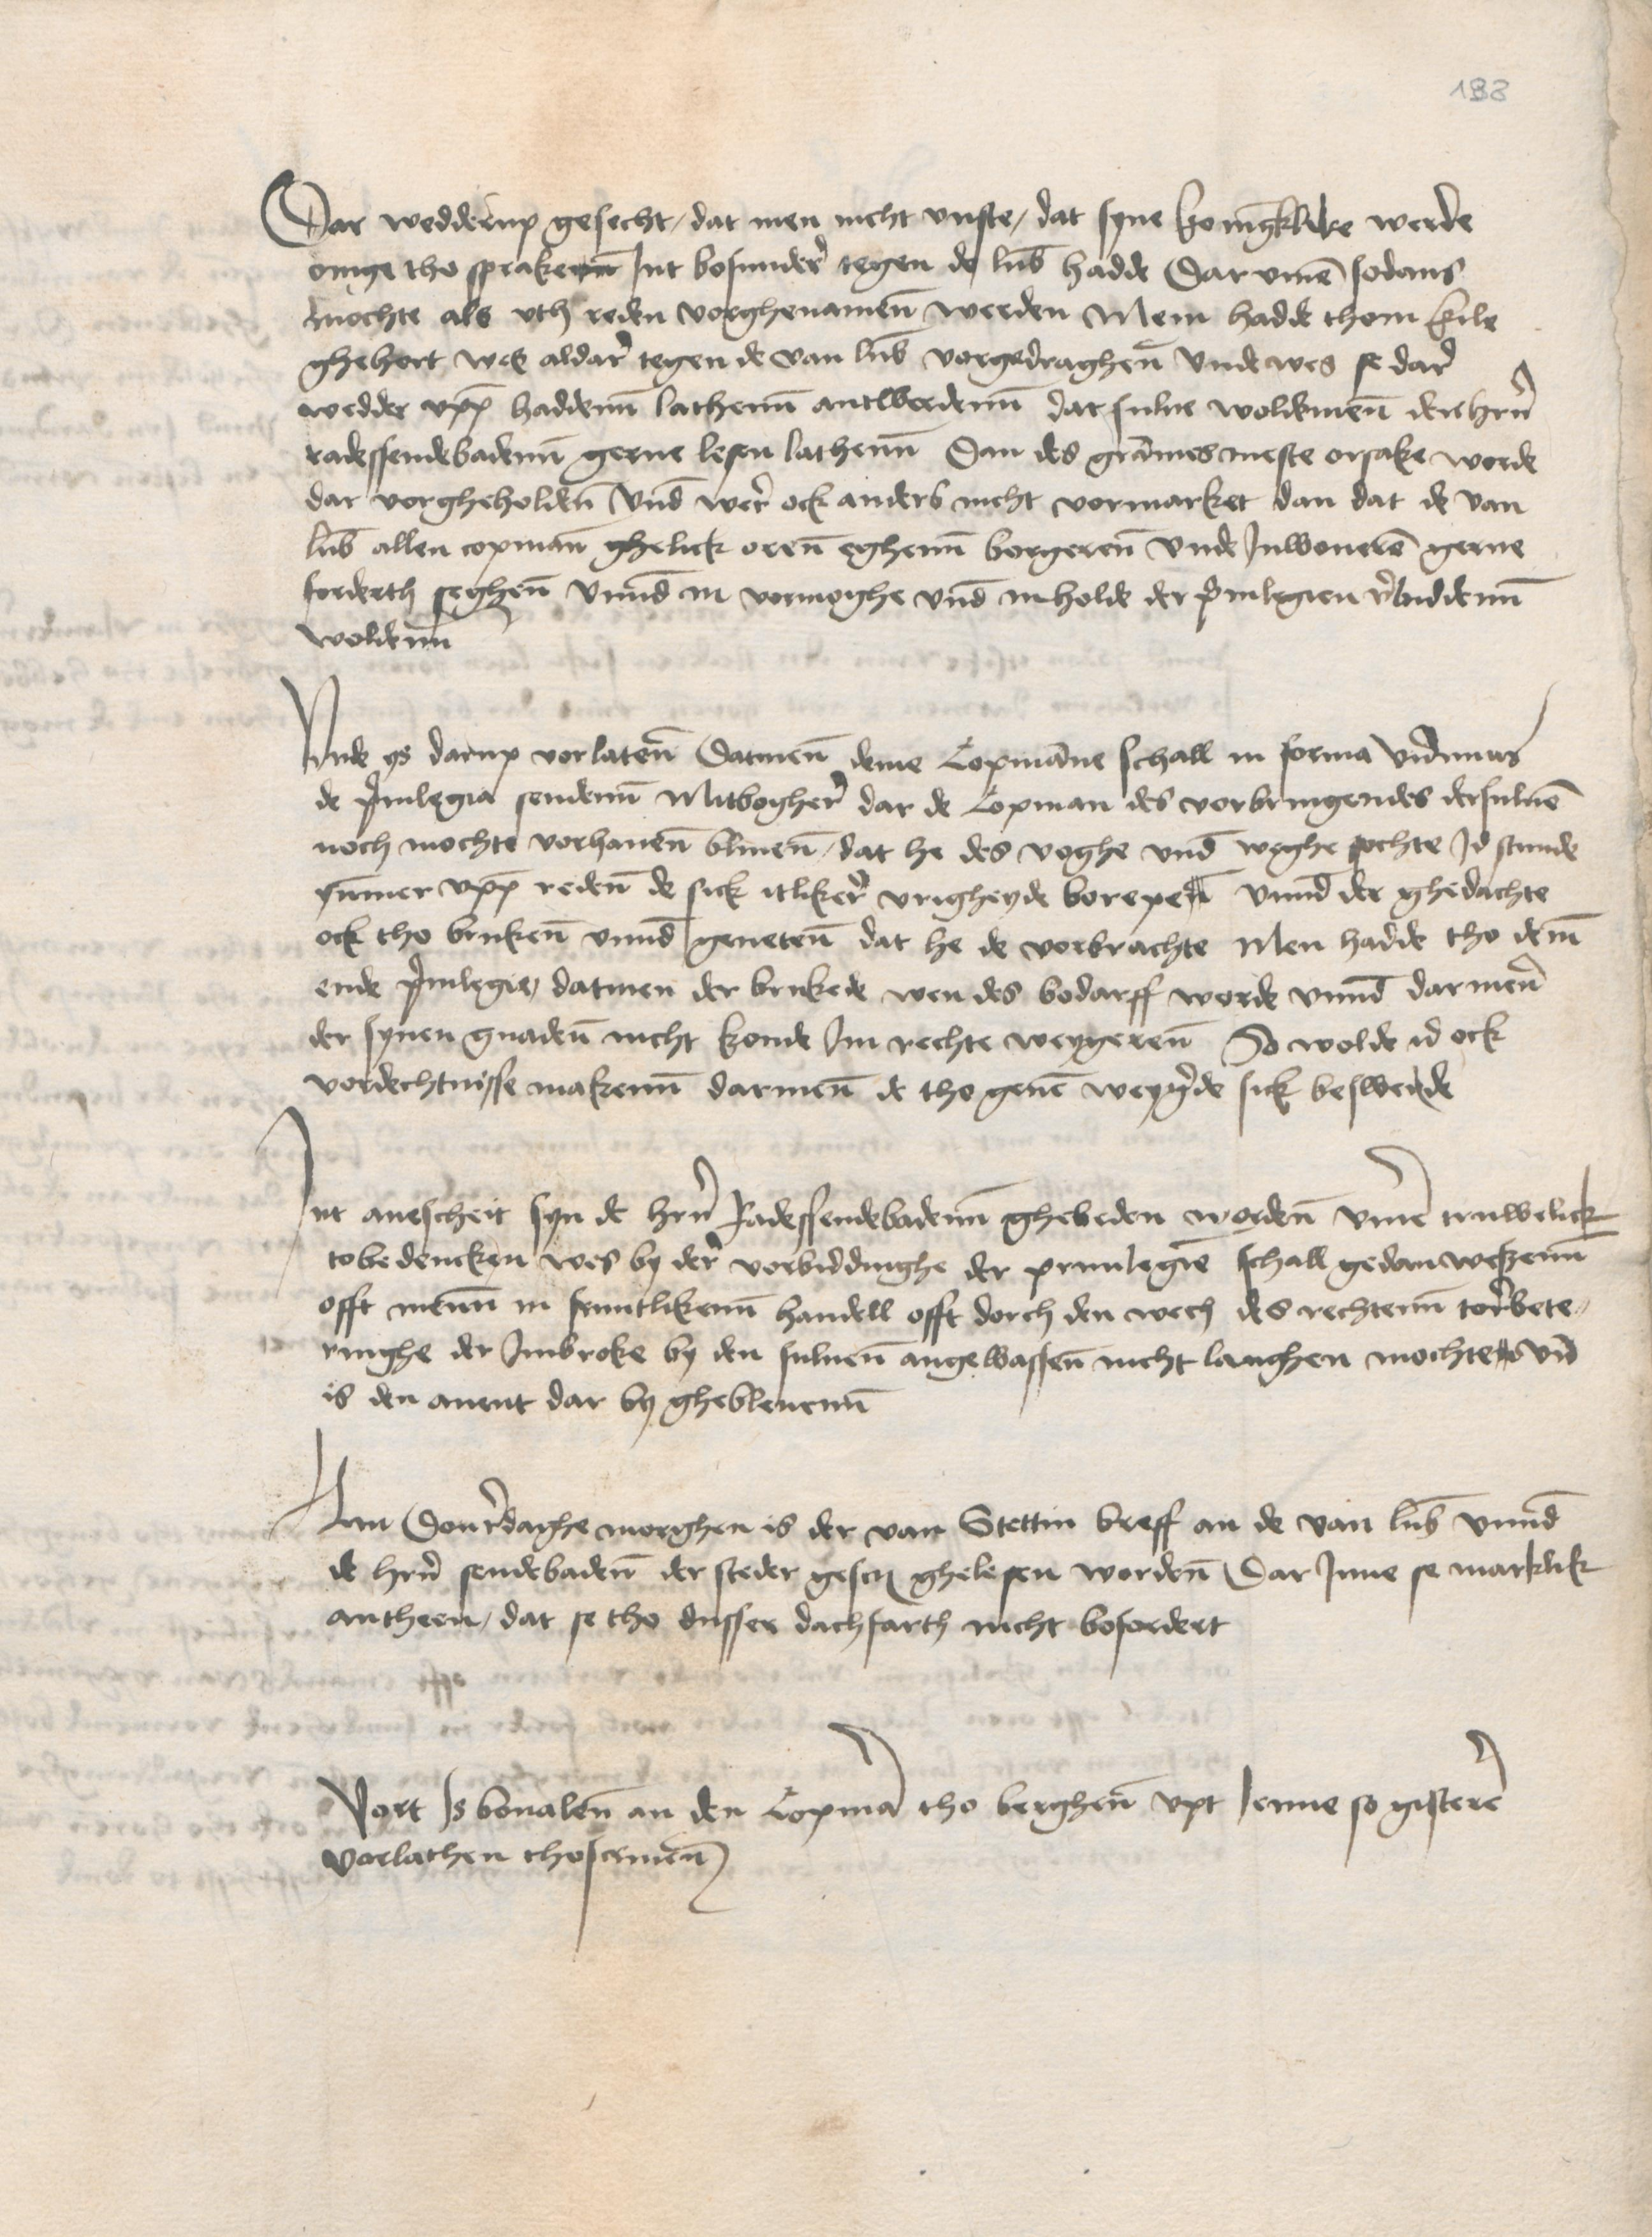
198
Dar wedderup gesecht, dat men nicht vuste, dat syne koningklike werde
enige thosprakenn Jnt bofunder tegen de Lubesschen hadde darvmme sodans
mochte als vth reden vorghenamenn werden Mem hadde thom Kile
gehort wes aldar tegen de van Lubeke vorgedraghenn vnde wes se dar
wedder vppe haddenne lathenne antwordenne dat sulue wolde menn den heren
radessendebadenne geene lesen lathenne Dan des grammes meste orsake worde
dar vorgheholdenn vnde wer ock anders nicht vormarket dan dat de van
Lubeck allen copmann ghelick orenn eghennen borgerenn vnde Jnwoneren gerne
forderth seghenn vnnde in vormoghe vnde inholde der priuilegien verbiddenne
woldenn.
Vnde is darup vorlatenn Datmen deme Copmanne schall in forma vidimus
de priuilegia sendenne Mitbogher dar de Copman des vorbringendes dersuluen
noch mochte vorhauenn bliuenn, dat he des voghe vnde weghe sochte Jd stunde
yummer vppe redenn de sick itlker vrigheyde borepenn vnnde der ghedachte
ock tho brukenn vnnde genetenn dat he de vorbrachte Men hadde tho deme
ende priuilegie, datmen der brukede wen des bodarff worde vnnde darmen
der synen gnadenn nicht konde Jm rechte weygerenn So wolde id ock
vordechtnisse makenne darmenn de tho geuen weygerde sick beswerde.
Jnt auescheit syn de heren Radessendebadenne gehebeden wordenn vmme truwelick
to bedencken wes by der vorbiddinghe der priuilegien schall gedan wesenne
offt menne in fruntlickenne handell offt dorch den wech des rechtenne torbete¬
ringhe der Jmbroke by den suluenn angewassenn nicht langhen mochten vnd
is den auent dar by ghebleuenne.
Am Donredaghe morghen is der van Stettin breff an de van Lubeck vnnde
de heren senderbadenn der steder gescreuen ghelesen wordenn Dar Jnne se marklik
antheen, dat se tho dusser dachfarth nicht bofordert.
Vort Js boualenn an den Copman tho Berghenn vpt Jenne so gistere
vorlathen thoscriuen.
